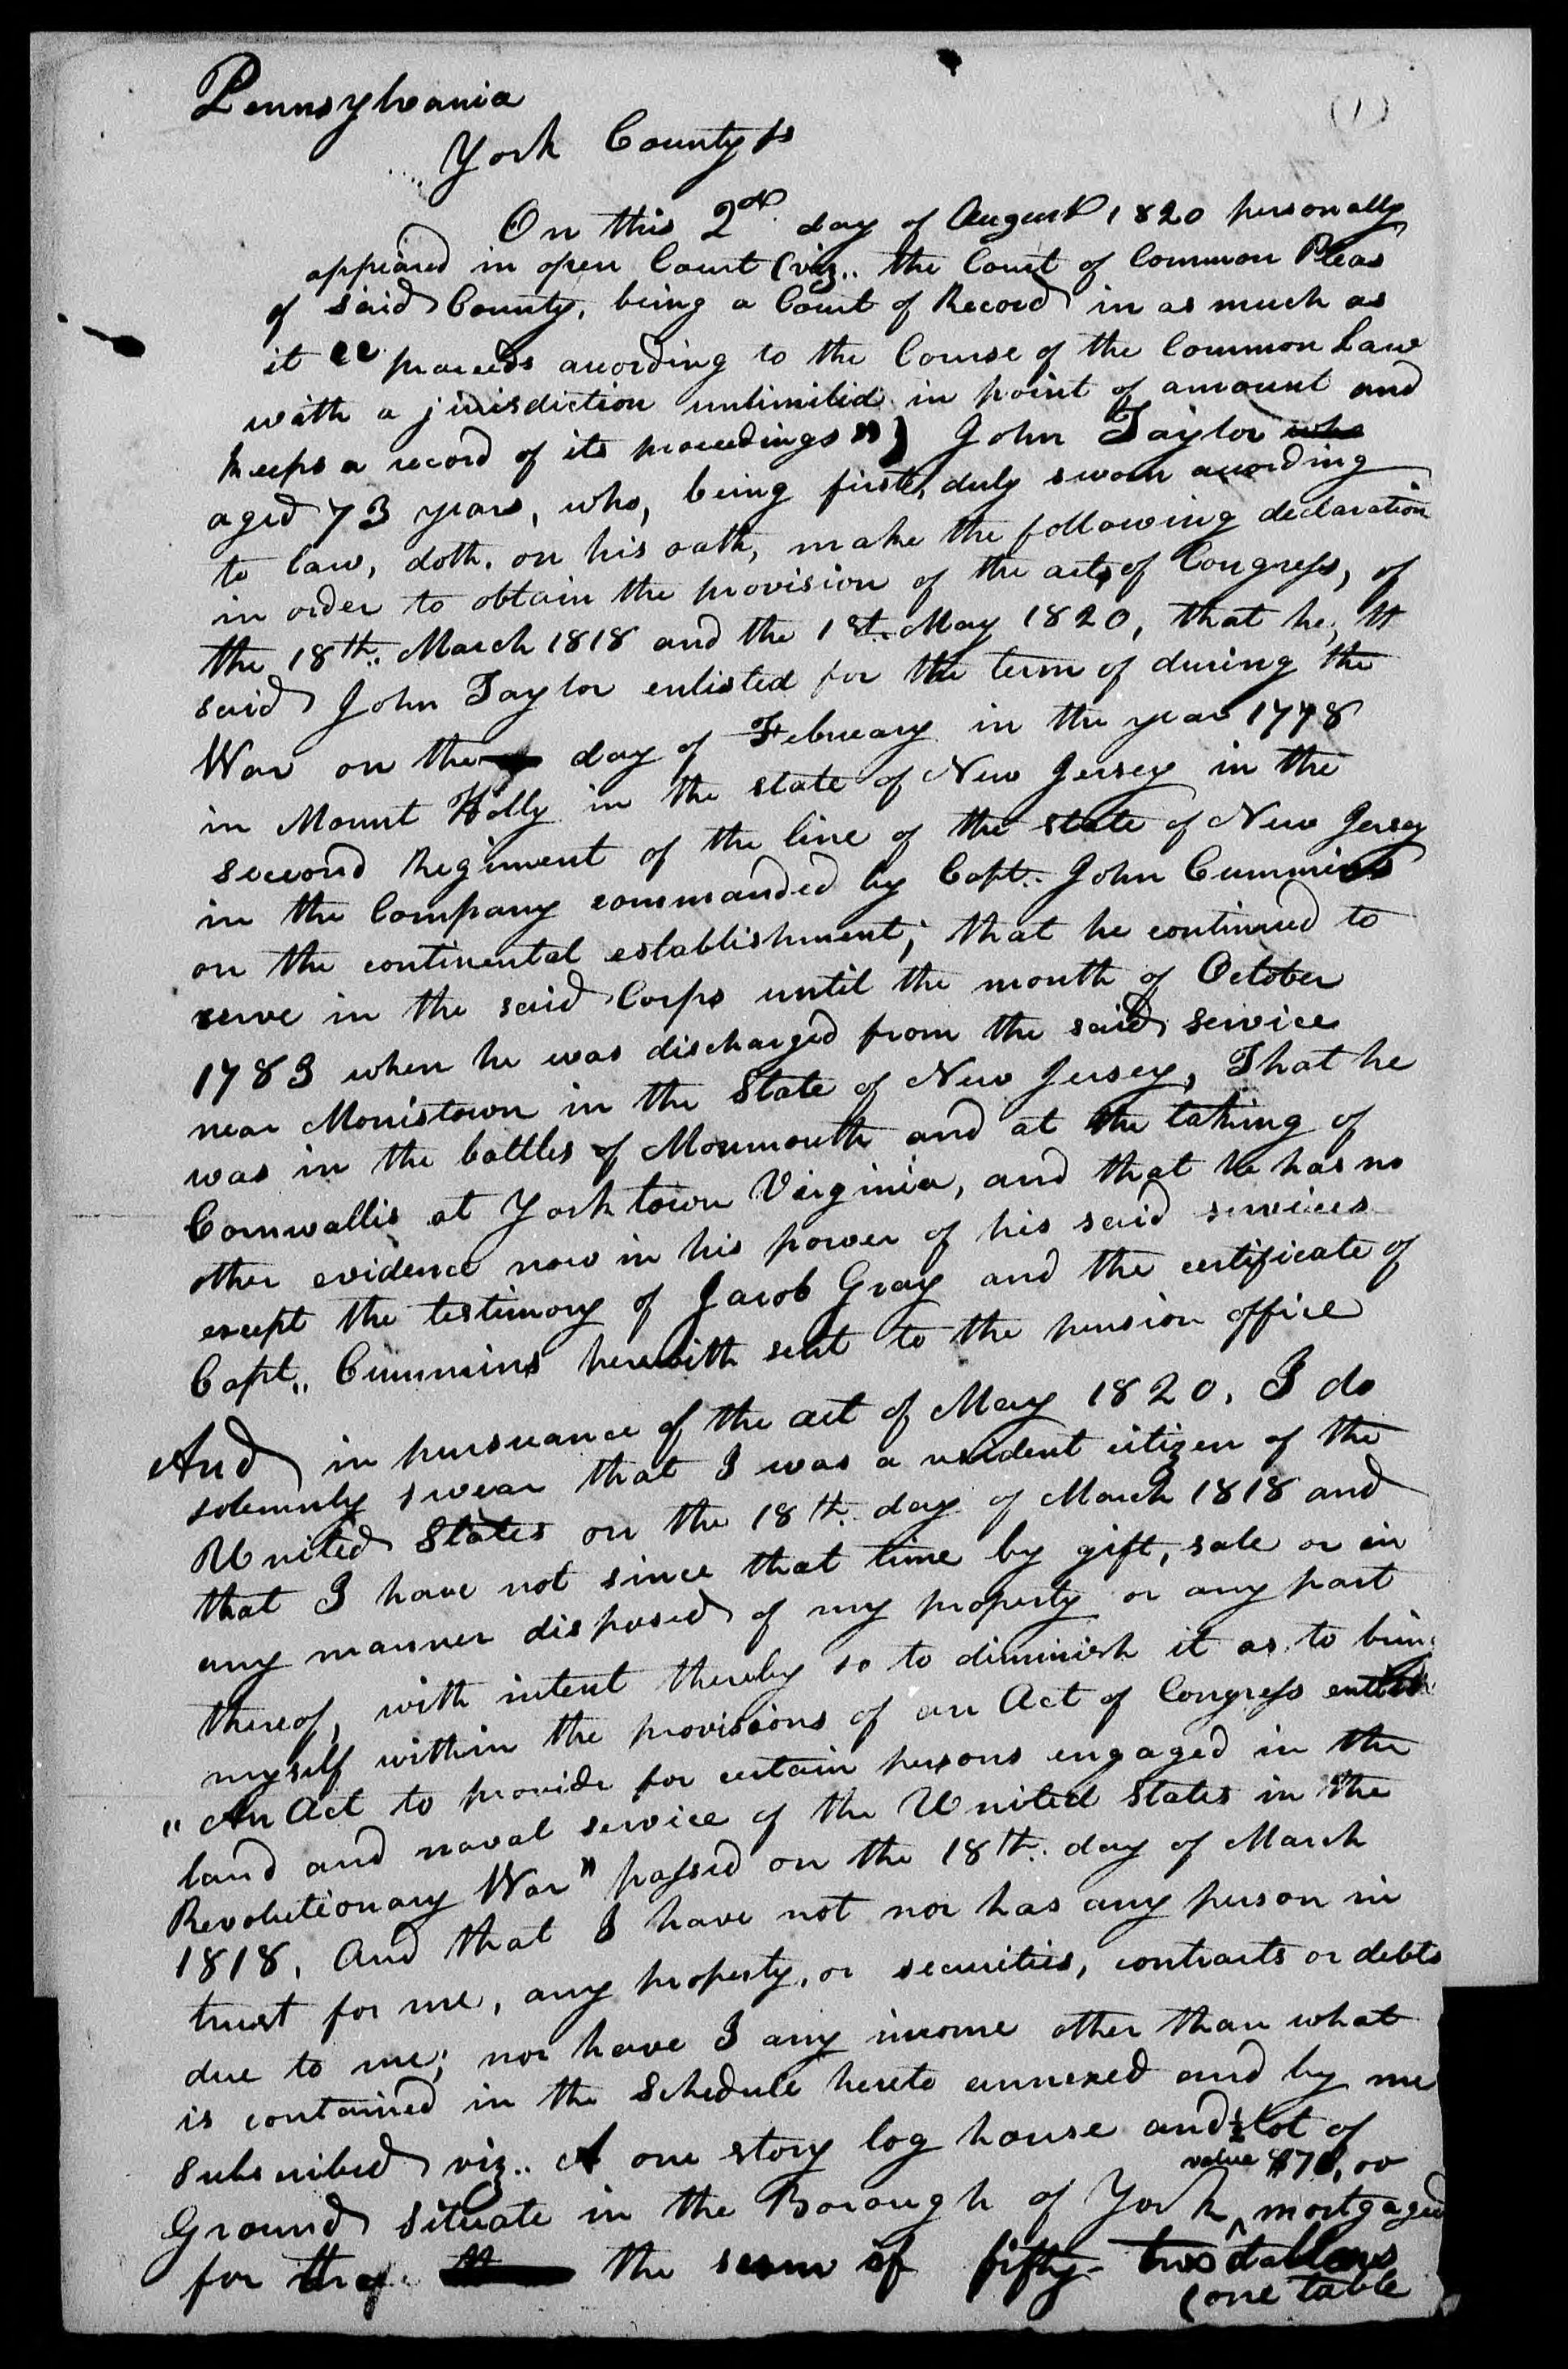Pennsylvania
York County ss

On this 2nd day of August 1820 personally appeared in open court (viz... the Court of Common Pleas of said county, being a Court of Record in as much as it "proceeds according to the Course of the Common Law with a jurisdiction unlimited in point of amount and keeps a record of its proceedings"). John Taylor aged 73 years, who, being first duly sworn according to law, doth, on his oath, make the following declaration in order to obtain the provision of the Act of Congress, of the 18th March 1818 and the 1st May 1820, that he, the said John Taylor enlisted for the term of during the War on the day of February in the year 1778 in Mount Holly in the state of New Jersey in the second Regiment of the line of the state New Jersey in the company commanded by Capt. John Cummins on the continental establishment, that he continued to serve in the said cops until the month of October 1783 when he was discharged from the said service near Morristown in the State of New Jersey, That he was in the battles of Monmouth and at the taking of Cornwallis at Yorktown Virginia, and that he has no other evidence now in his power of his said services except the testimony of Jacob Gray and the certificate of Capt. Cummins herewith sent to the pension office 

And in pursuance of the act of May 1820, I do solemnly swear that I was a resident citizen of the United States on the 18th day of March 1818 and that I have not since that time by gift, sale or in any manner disposed of my property in any part thereof, with intent there so to diminish it as to bring myself within the provisions of an Act of Congress entitled "An Act to provide for certain persons engaged in the land and naval service of the United States in the Revolutionary War" passed on the 18th day of March 1818, and that I have not nor has any person in trust for me, any property, or securities, contracts or debts due to me; nor have I any income other than what is contained in the Schedule hereto annexed and by me subscribed viz... A one story log house and 1/2 lot of ground situate in the Borough of York value $70.00 mortgaged for the sum of fifty-two dollars (one table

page: 4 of 9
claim: survivor's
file: S. 40,555, for John Taylor, New Jersey